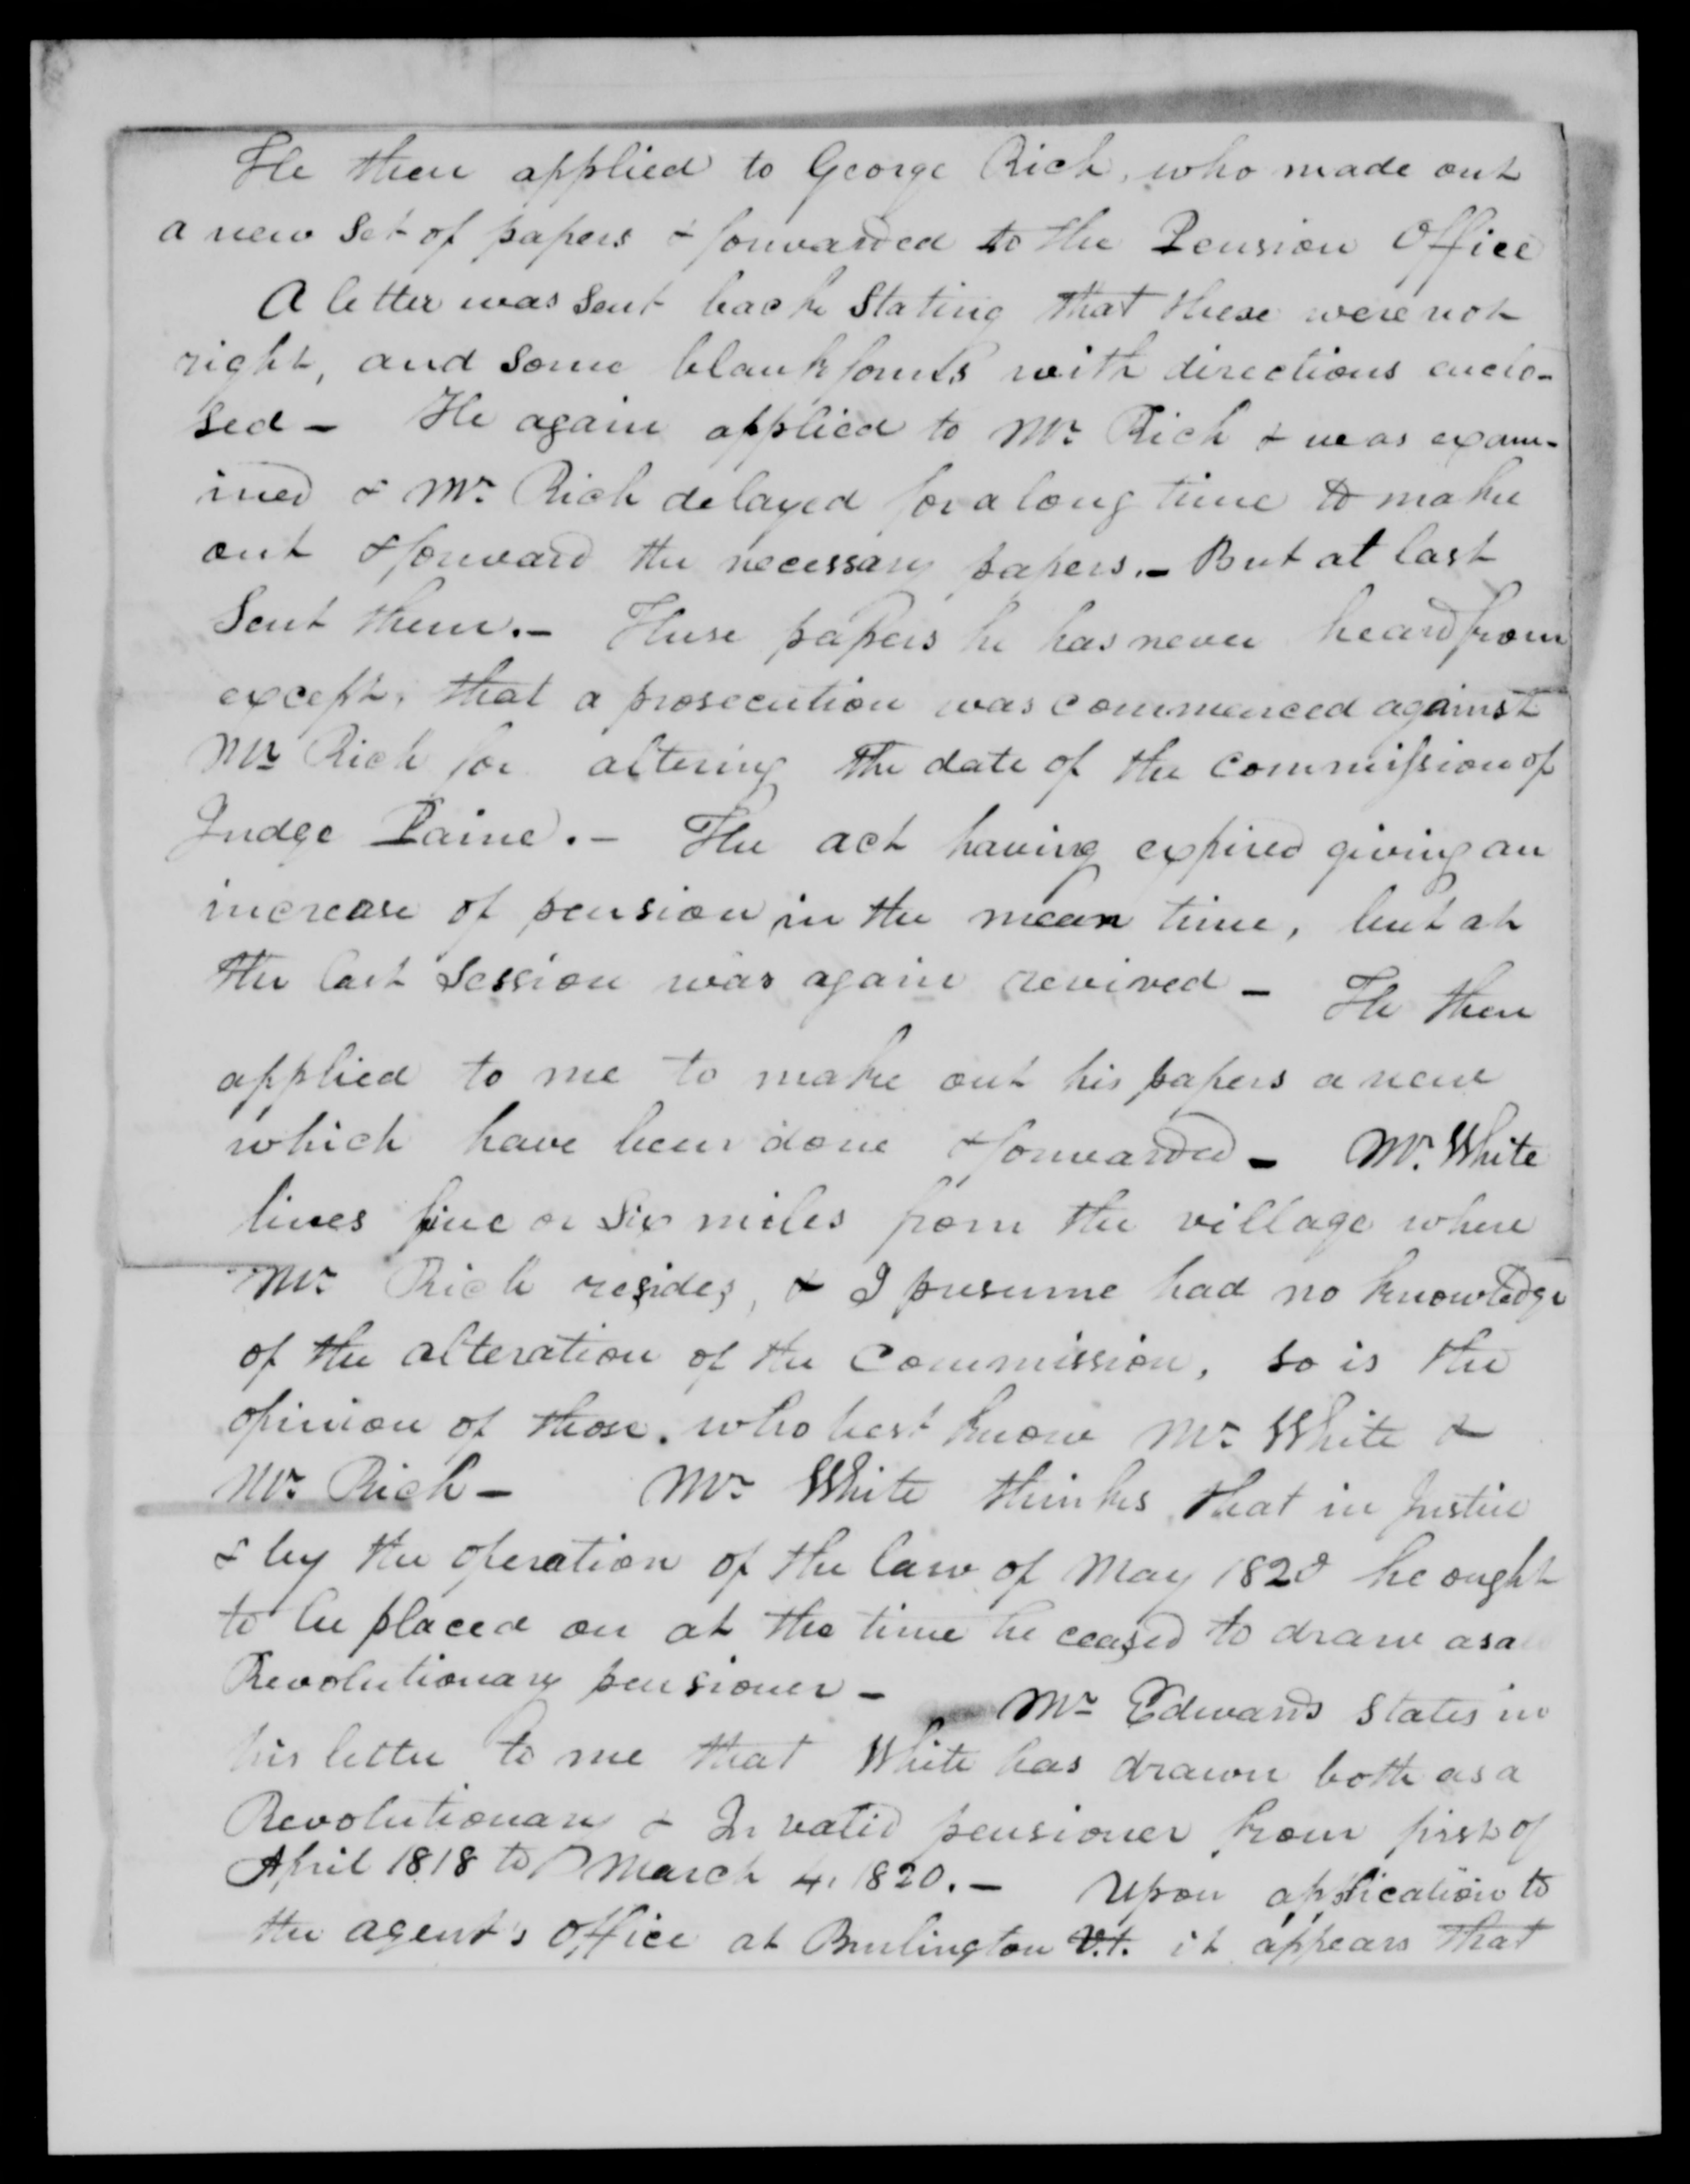He then applied to George Rich, who made out a new set of papers & forwarded to the Pension Office.
A letter was sent back stating that these were not right and some blank forms with directions enclosed. He again applied to Mr. Rich & was examined & Mr. Rich delayed for a long time to make out & forward the necessary papers. But at last sent them. These papers he has never heard from except that a prosecution was commenced against Mr. Rich for altering the date of the commission of judge Paine. The act having expired giving an increase of pension in the mean time, but at the last session was again revived. He then applied to me to make out his papers anew which have been done & forwarded. Mr. White lives five or six miles from the village where Mr. Rich resides & I presume had no knowledge of the alteration of the commission, so is the opinion of those who best know Mr. White & Mr. Rich. Mr. White thinks that in Justice & by the operation of the law of May 1820 he ought to be placed on at the tie he ceased to draw as a Revolutionary pensioner. Mr. Edwards states in his letter to me that White has drawn both as a Revolutionary & Invalid pensioner from first of April 1818 to March 4, 1820. Upon application to the agent's office at Burlington Vt. is appears that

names: White, Paine, Edwards, George Rich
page: 42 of 79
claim: survivor's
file: S. 11759, Samuel White, Mass.